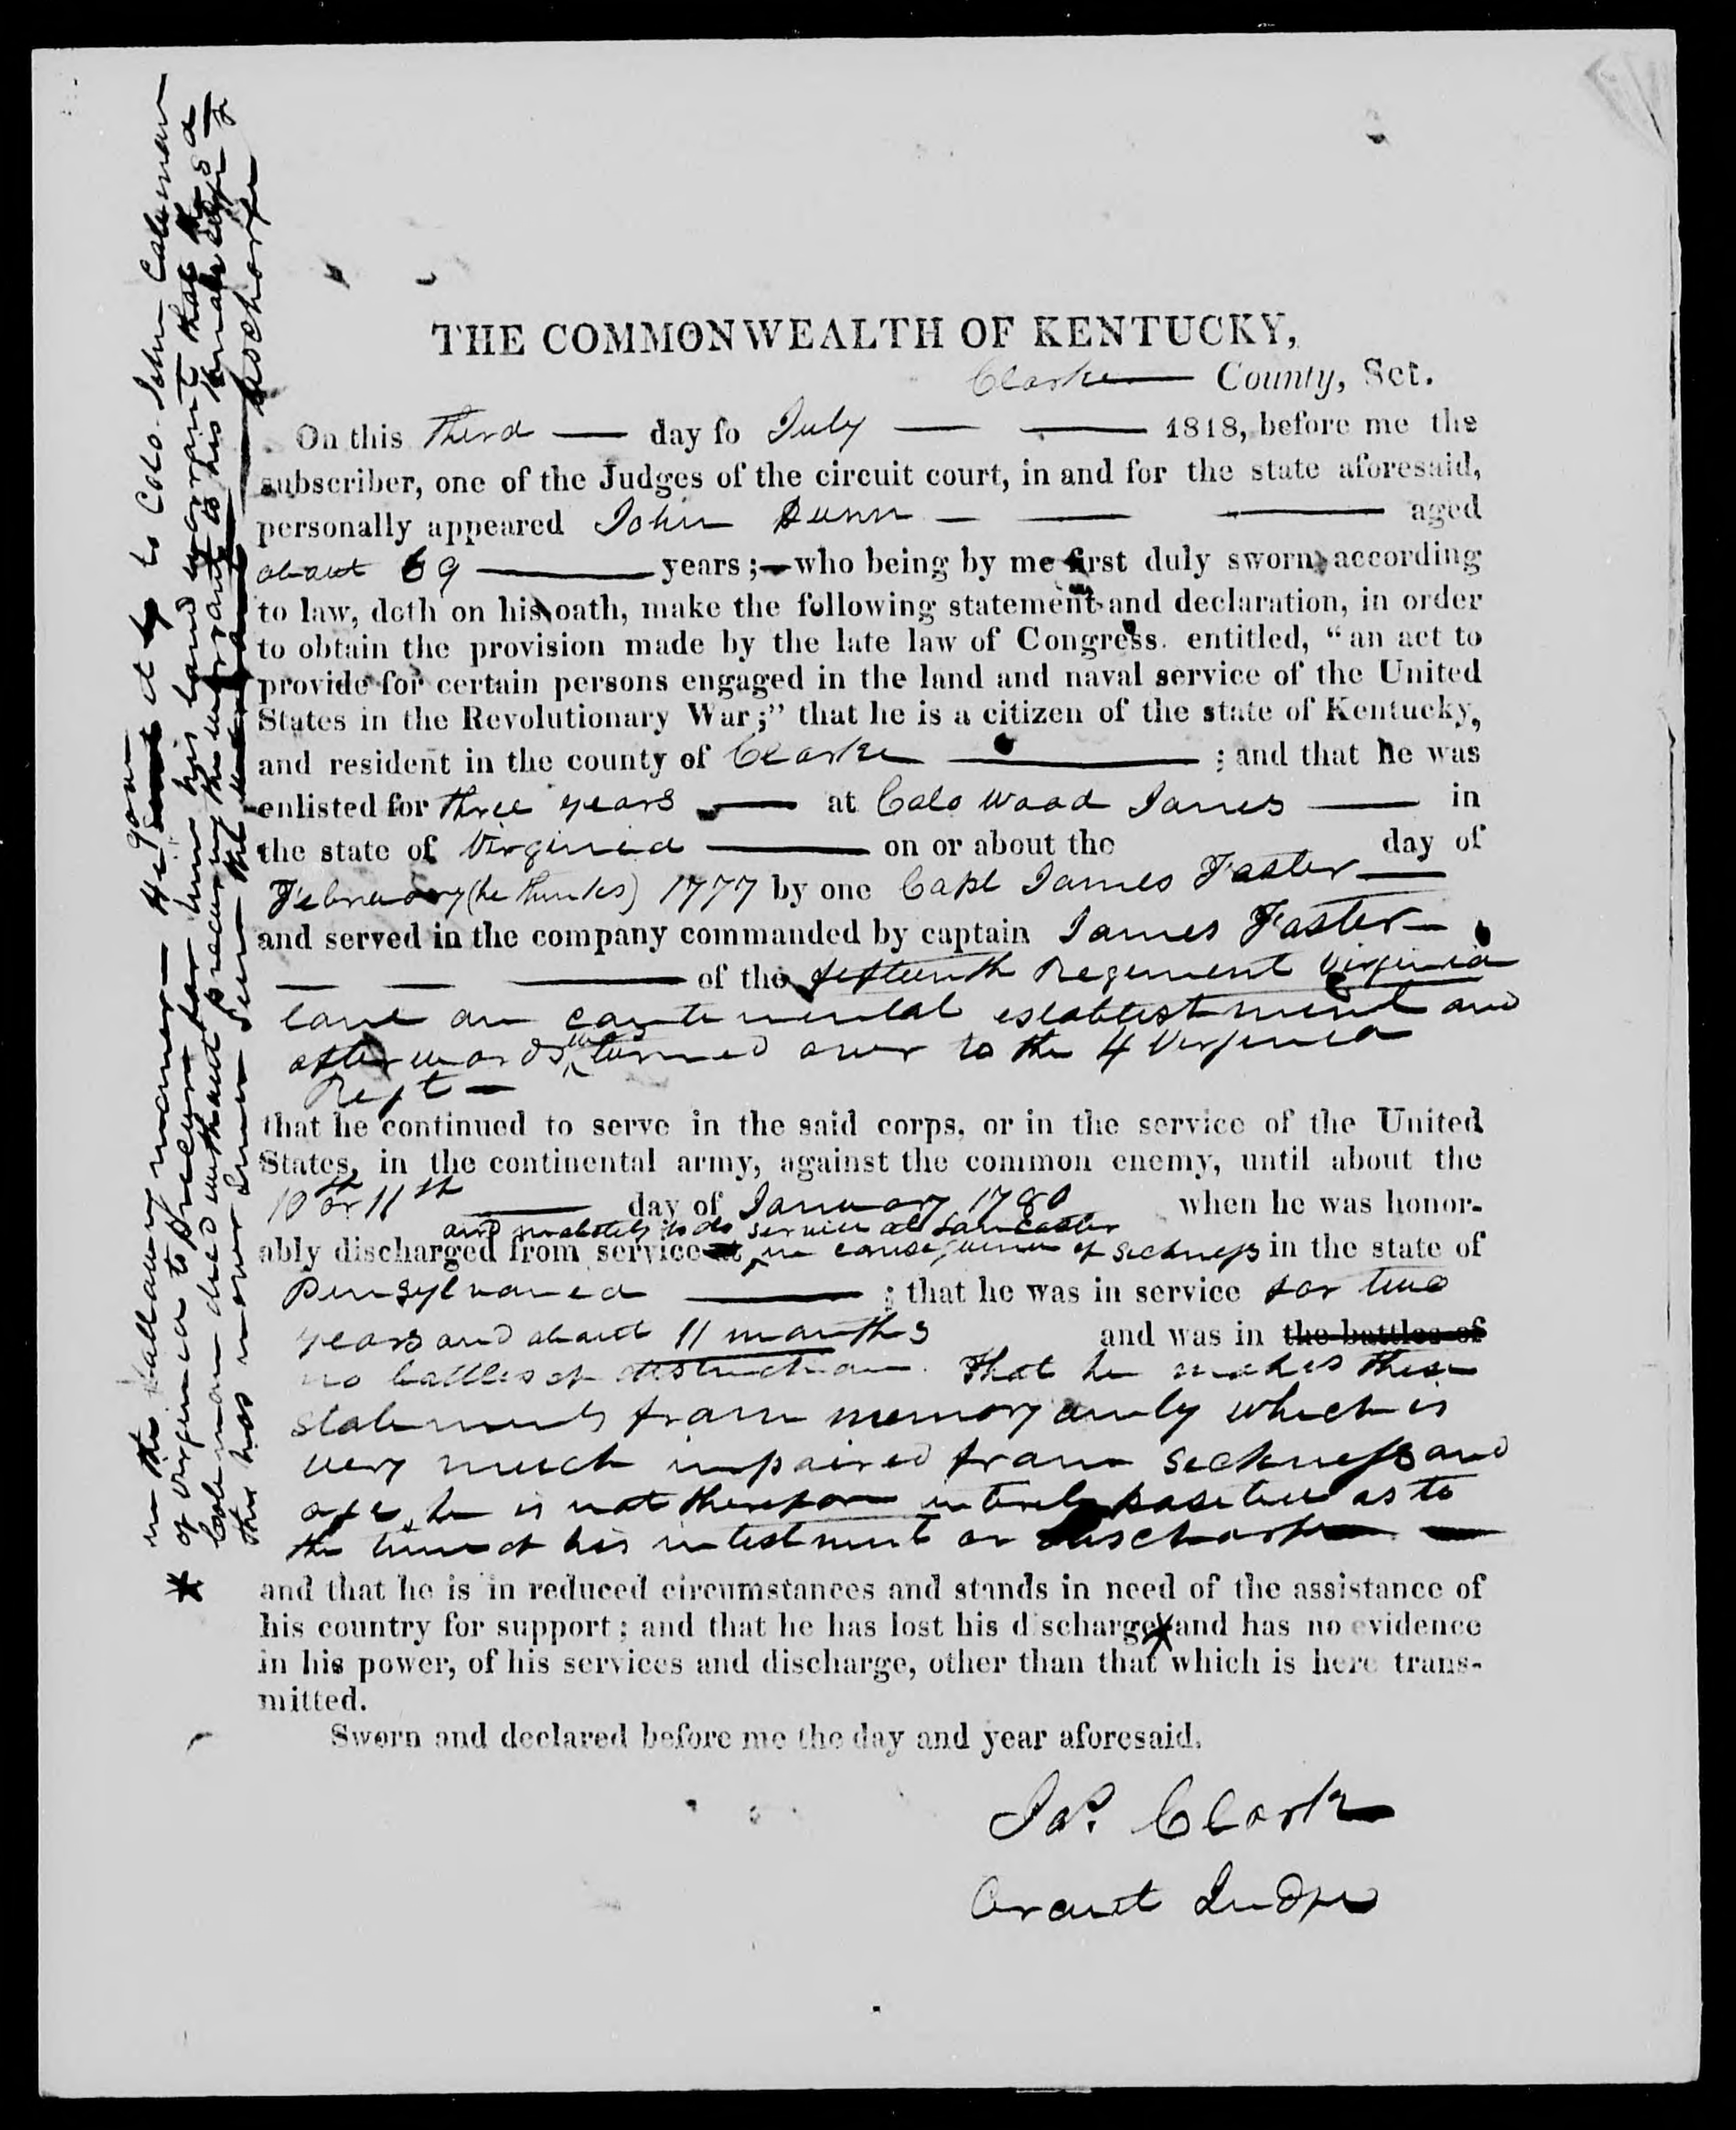THE COMMONWEALTH OF KENTUCKY
Clarke County, SCT.

On this third day fo July 1818, before me the subscriber, one of the Judges of the circuit court, in and for the state aforesaid personally appeared John Dunn aged about 69 years; who being by me first duly sworn according to  law, doth on his oath, make the following statement and declaration, in order to obtain the provision made by the late law of Congress entitled, "an act to provide for certain  persons engaged in the land and naval service of the United States in the Revolutionary War;" that he is a citizen of the state of Kentucky, and resident of county of Clarke; and that he was enlisted for three years at Colo Wood James [James Wood] in the state of Virginia on or about the day of February (he thinks) 1777 by one Capt James Foster and served in the company commanded by captain James Foster of the fifteenth regiment Virginia line and continental establishment and after was turned over to the 4 Virginia Regt 

that he continued to serve in the said corps, or in the service of the United States, 
in the continental army, against the common enemy, until about the 10th or 11th day of January 1780 when he was honorably discharged from service and unable to do service at Lancaster in cause, reason of sickness in the state of Pennsylvania; that he was in service for two years and about 11 months and was in no battles of destruction.

That he makes these statements from memory only which is very much impaired from sickness and age he is not therefore [illegible] positive as to the time of his enlistment or discharge and that he is in reduced circumstances and stands in need of the assistance of his country for support; and that he has lost his discharge in the far away memory. He gave it to Colo John Coleman of Virginia to process for him his land warrant that Coleman died without processing his warrant to his [illegible] this has never since seen [illegible] the discharge and has no evidence in his power, of his services and discharge, other than that which is here transmitted. 

Sworn and declared before me the day and year aforesaid.
Jas. Clark 
Circuit Judge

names: John Coleman, James Foster, James Foster, Wood Jones, John Dunn, Jas Clark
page: 11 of 23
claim: survivor's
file: S 35903, John Dunn, Va.